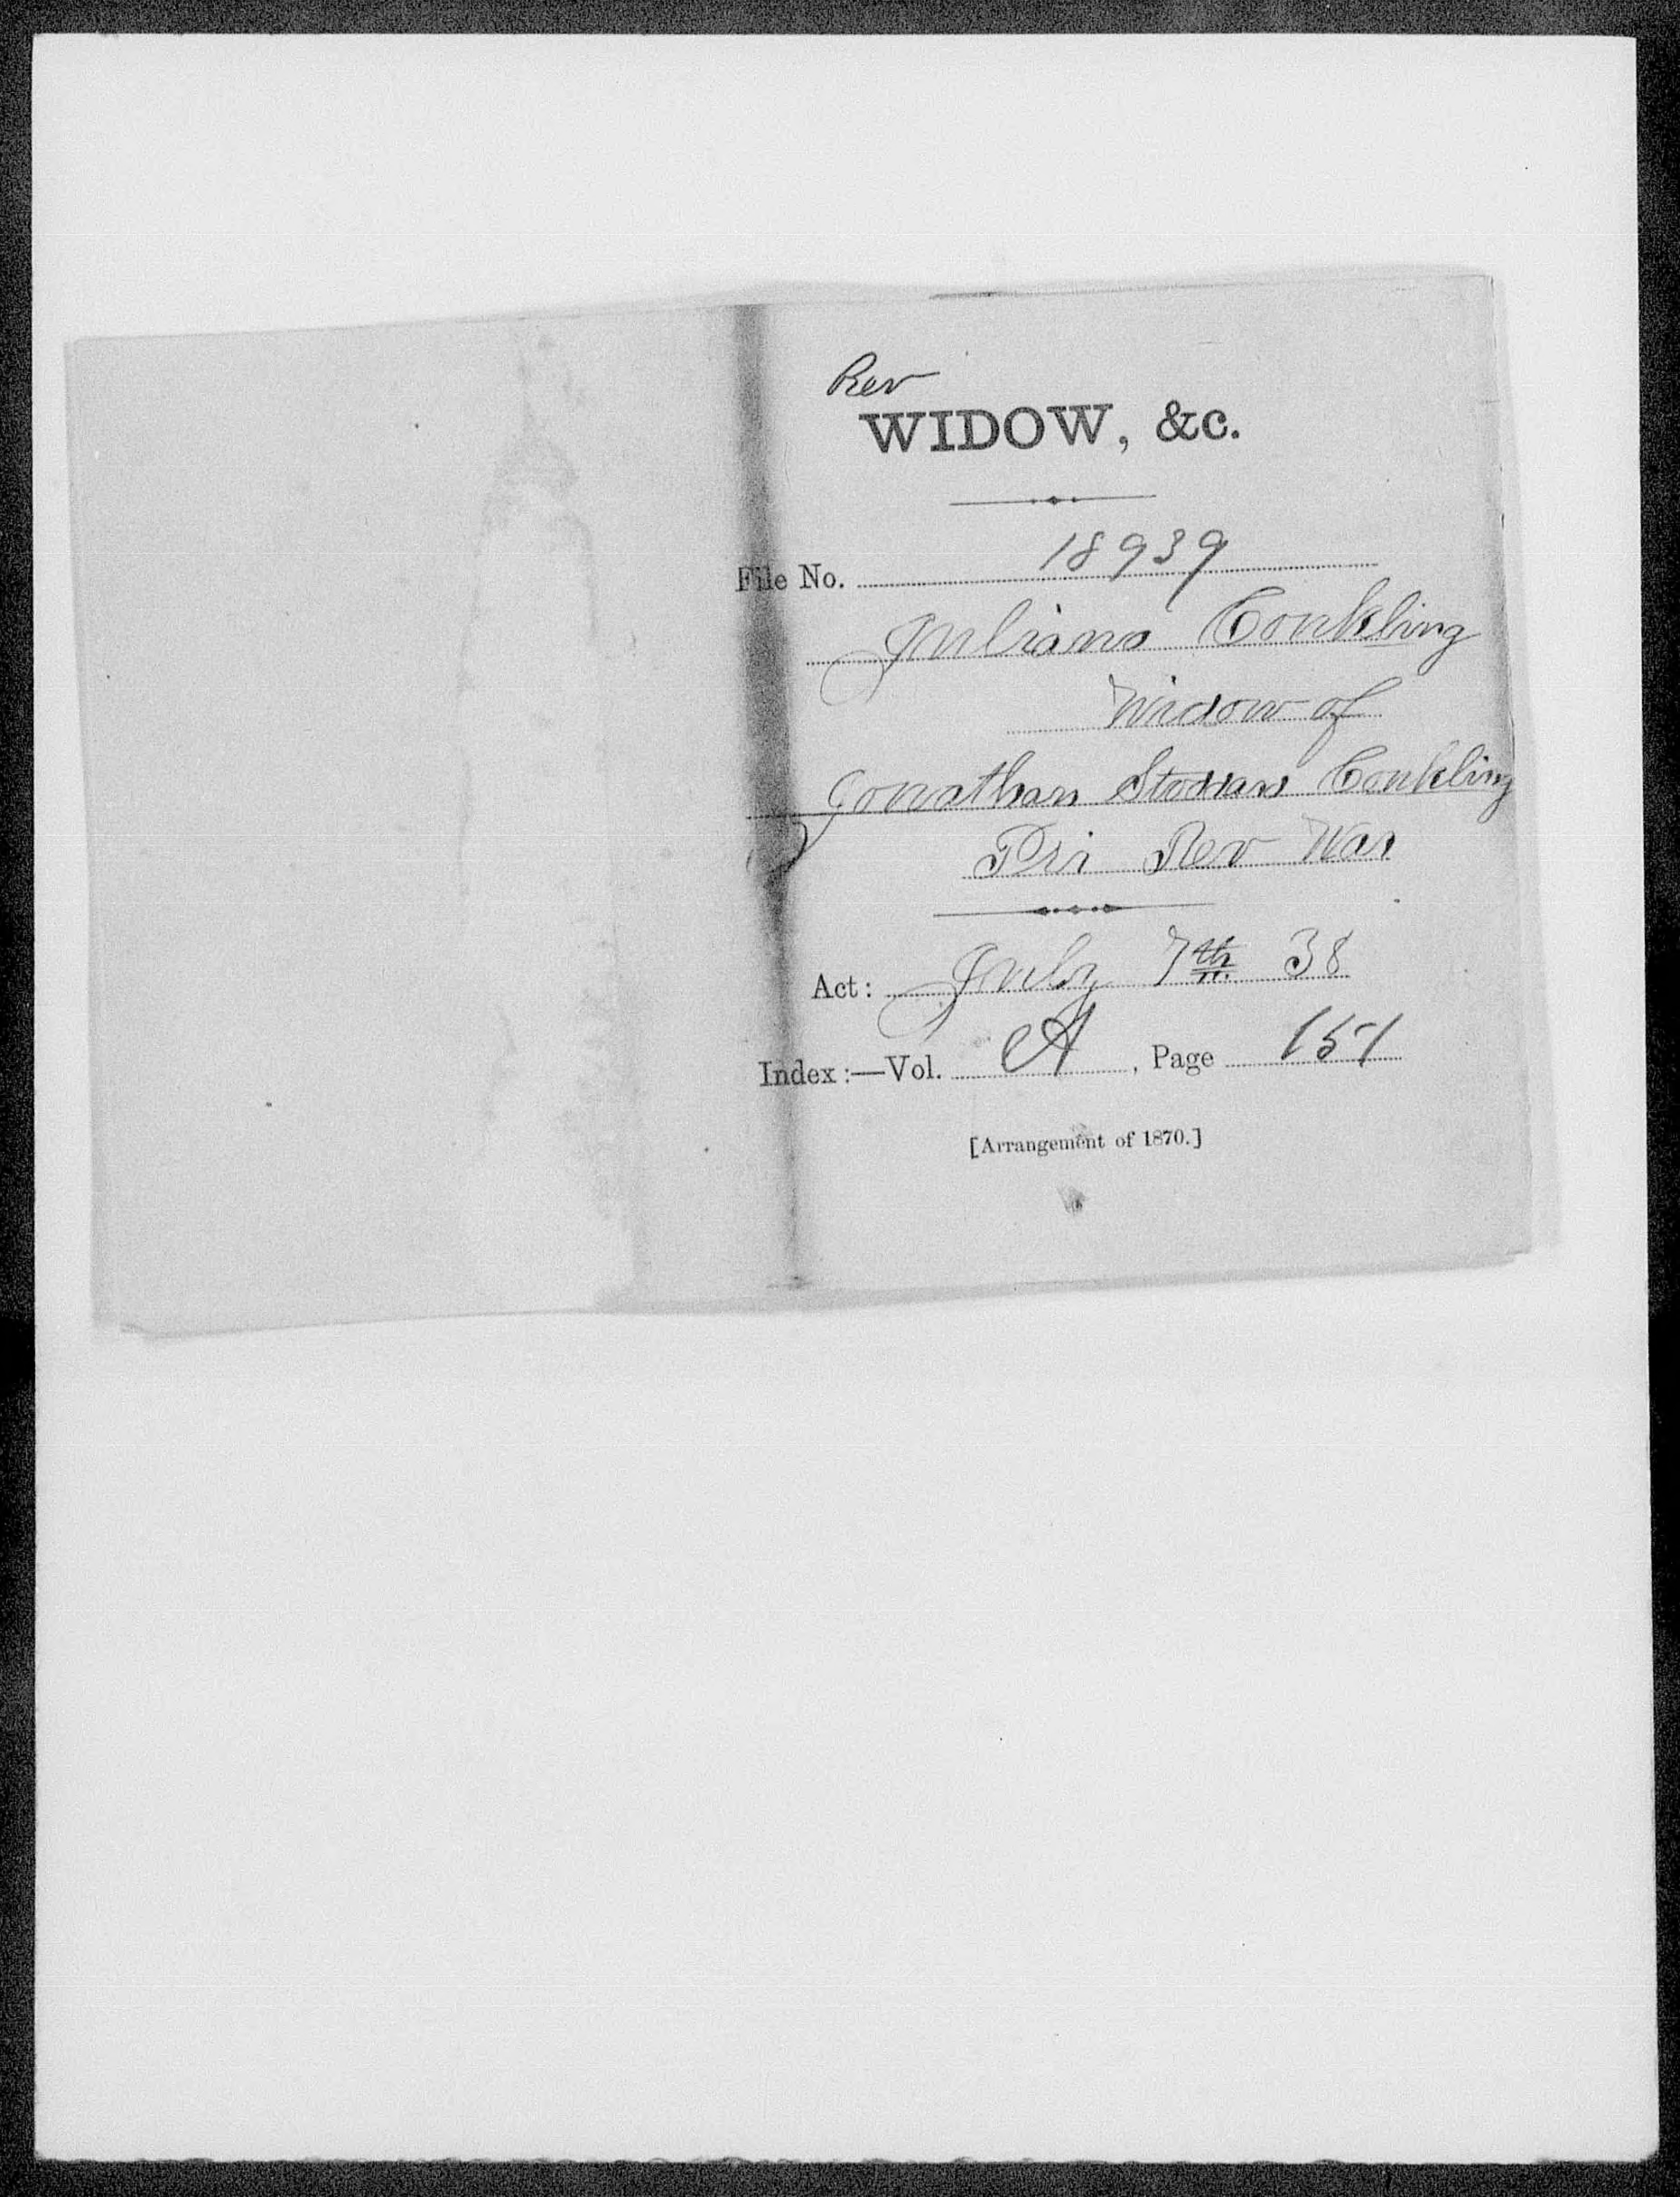Rev WIDOW, & c. 
File No. 18939
Juliana Conkling widow of Jonathan Stoddard Conkling  Pri Rev War
Act: July 7th 38
Index:- Vol. A, Page 151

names: Juliana Conkling, Jonathan Stoddard Conkling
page: 17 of 18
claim: widow's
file: W. 18,939, Jonathan S Conkling, New York